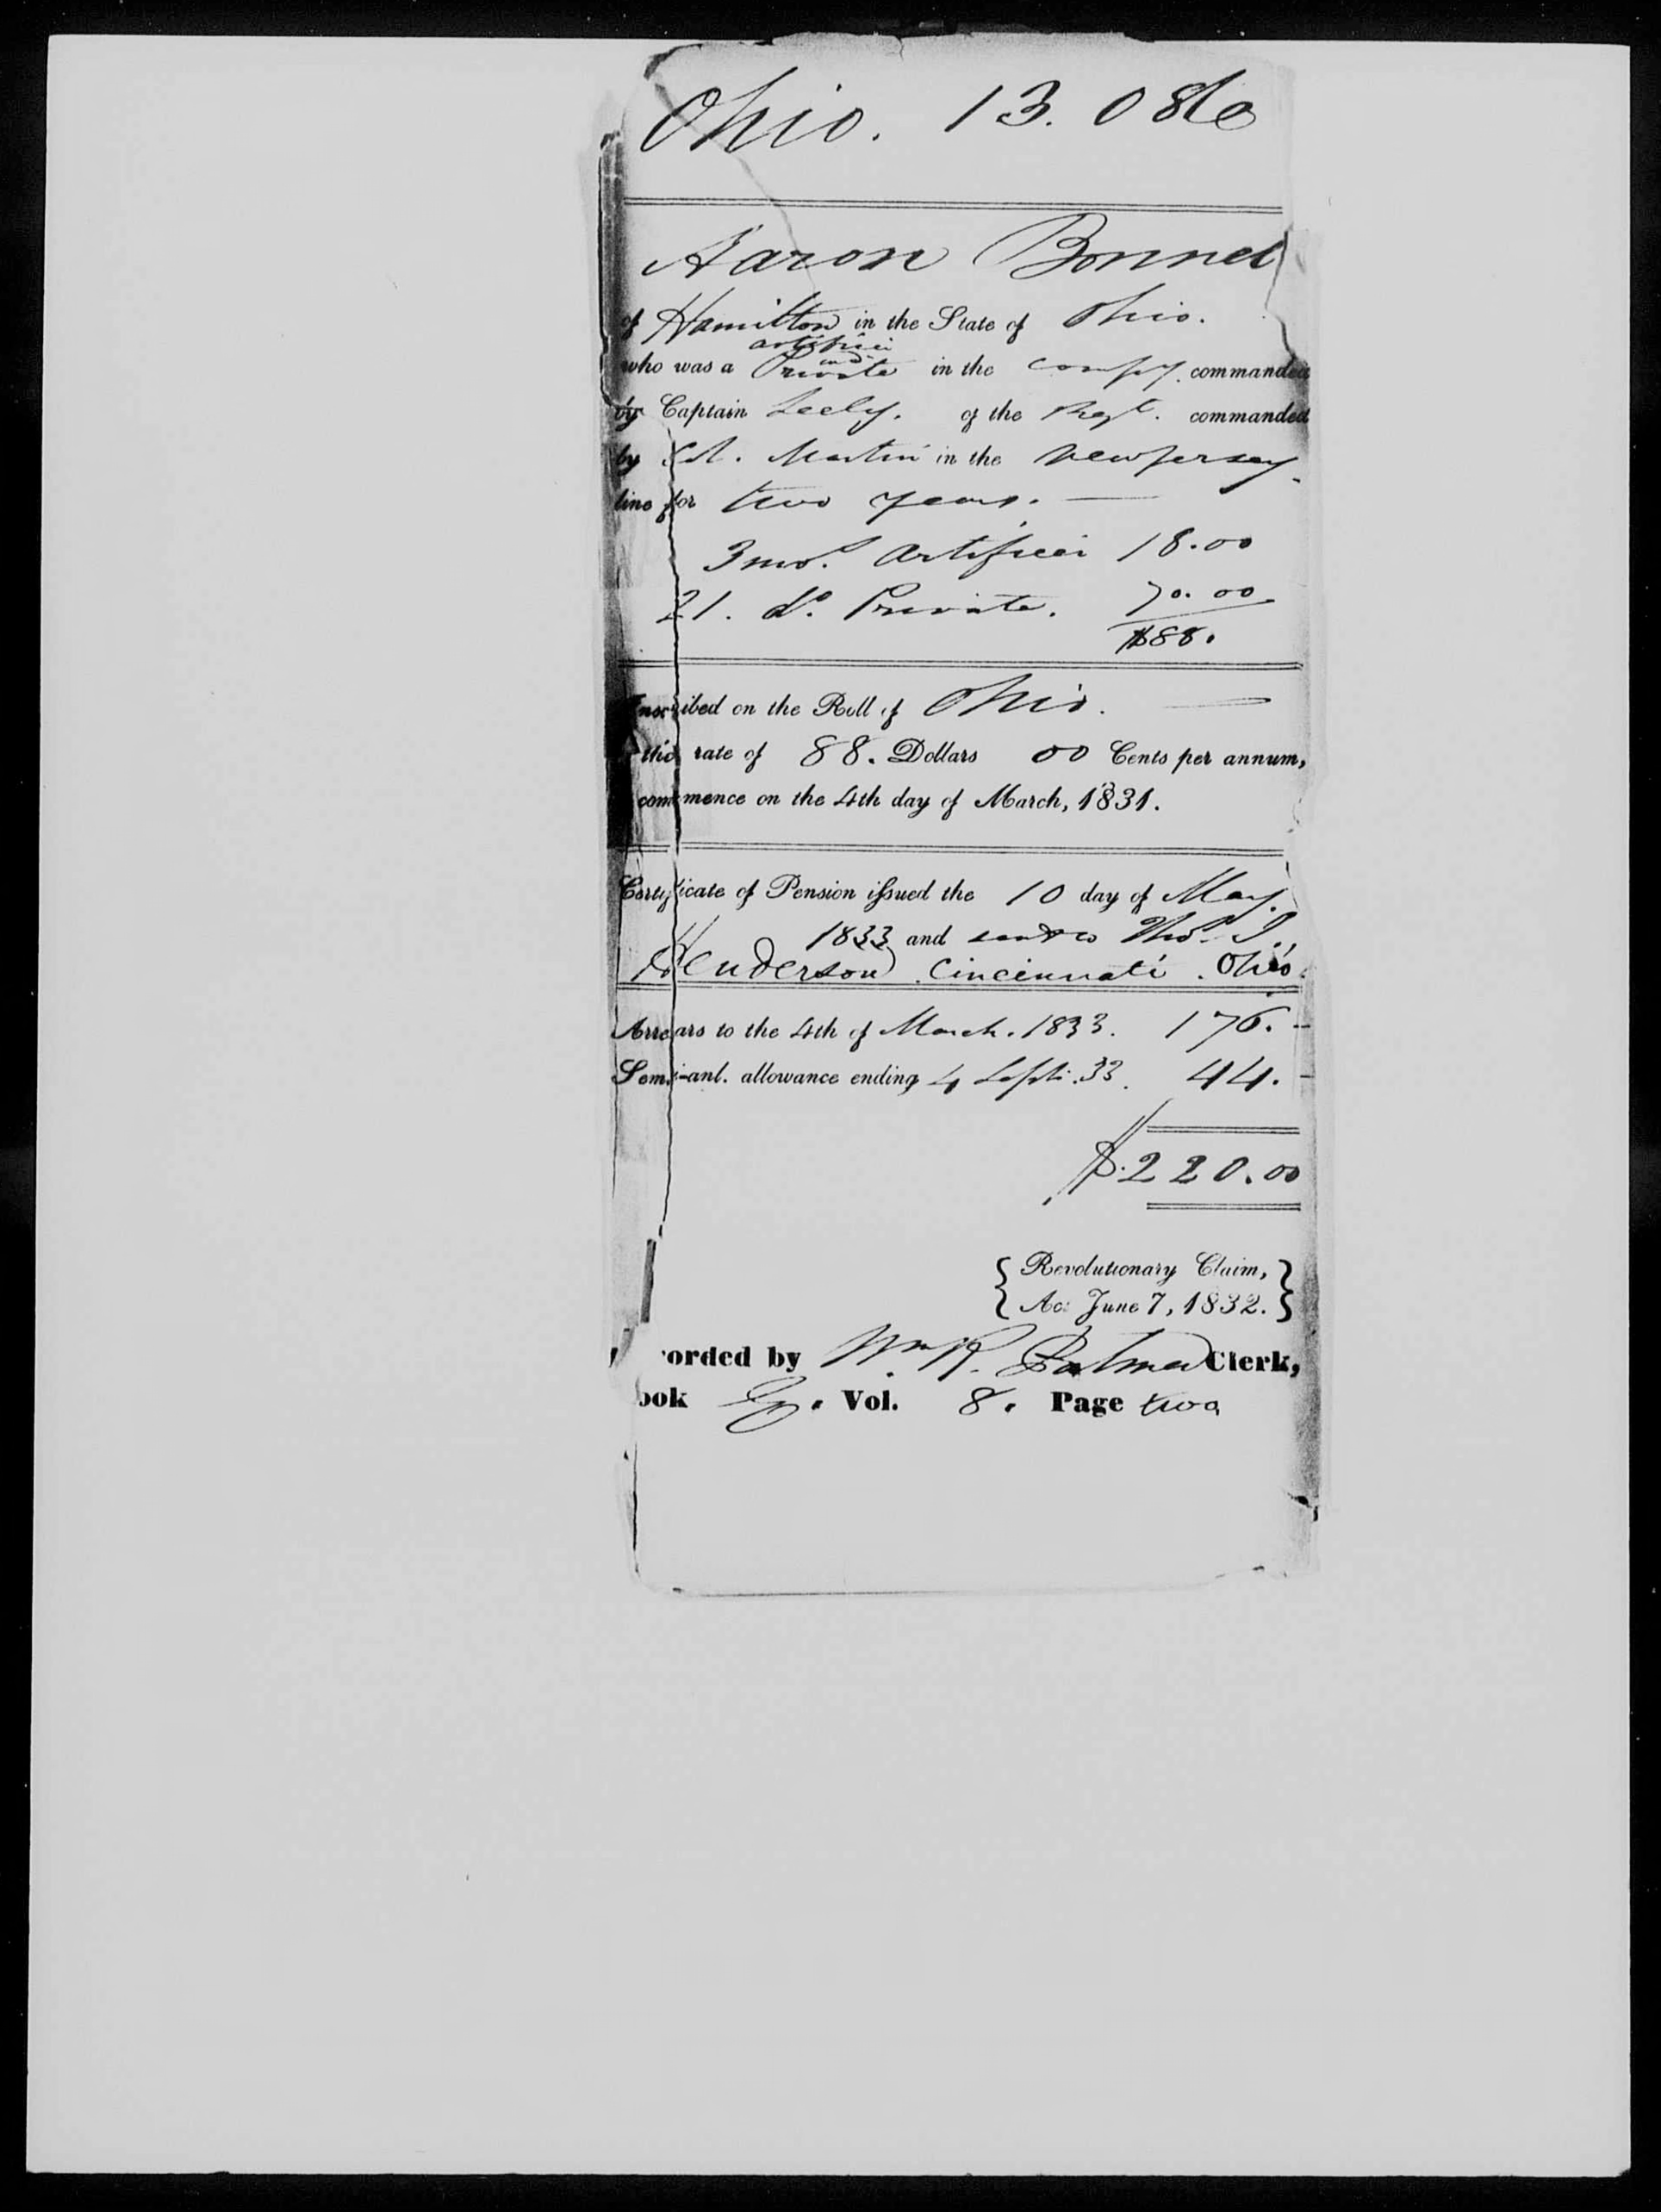Ohio 13.086
Aaron Bonnel
of Hamilton in the State of Ohio who was artificer or Private in the company commanded by Captain Seely of the Regt commanded by Col. Martin in the New Jersey line for two years

3 mo Artificer  18.00
21 mo Private    70.00
 $88.00

Subscribed on the Roll of Ohio at the rate of 88. dollars 00 cents per annum, commence on the 4th day of March 1831.
Certificate of Pension issued the 10 day of May 1833 and sent to Thos J. Henderson, Cincinnati Ohio
Arrears to the 4th of March 1833  176.
Semi-anl allowance ending 4 Sept 33  44.
$220.00
{Revolutionary Claim, Act June 7, 1832}
Recorded by Wm. R. Palmer Clerk
Book E. Vol 8 Page two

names: Wm R Palmer, Aaron Bonnel, Thos J Henderson, Martin, Seely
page: 2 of 67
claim: rejected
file: R. 1009, Aaron Bonnel, New Jersey